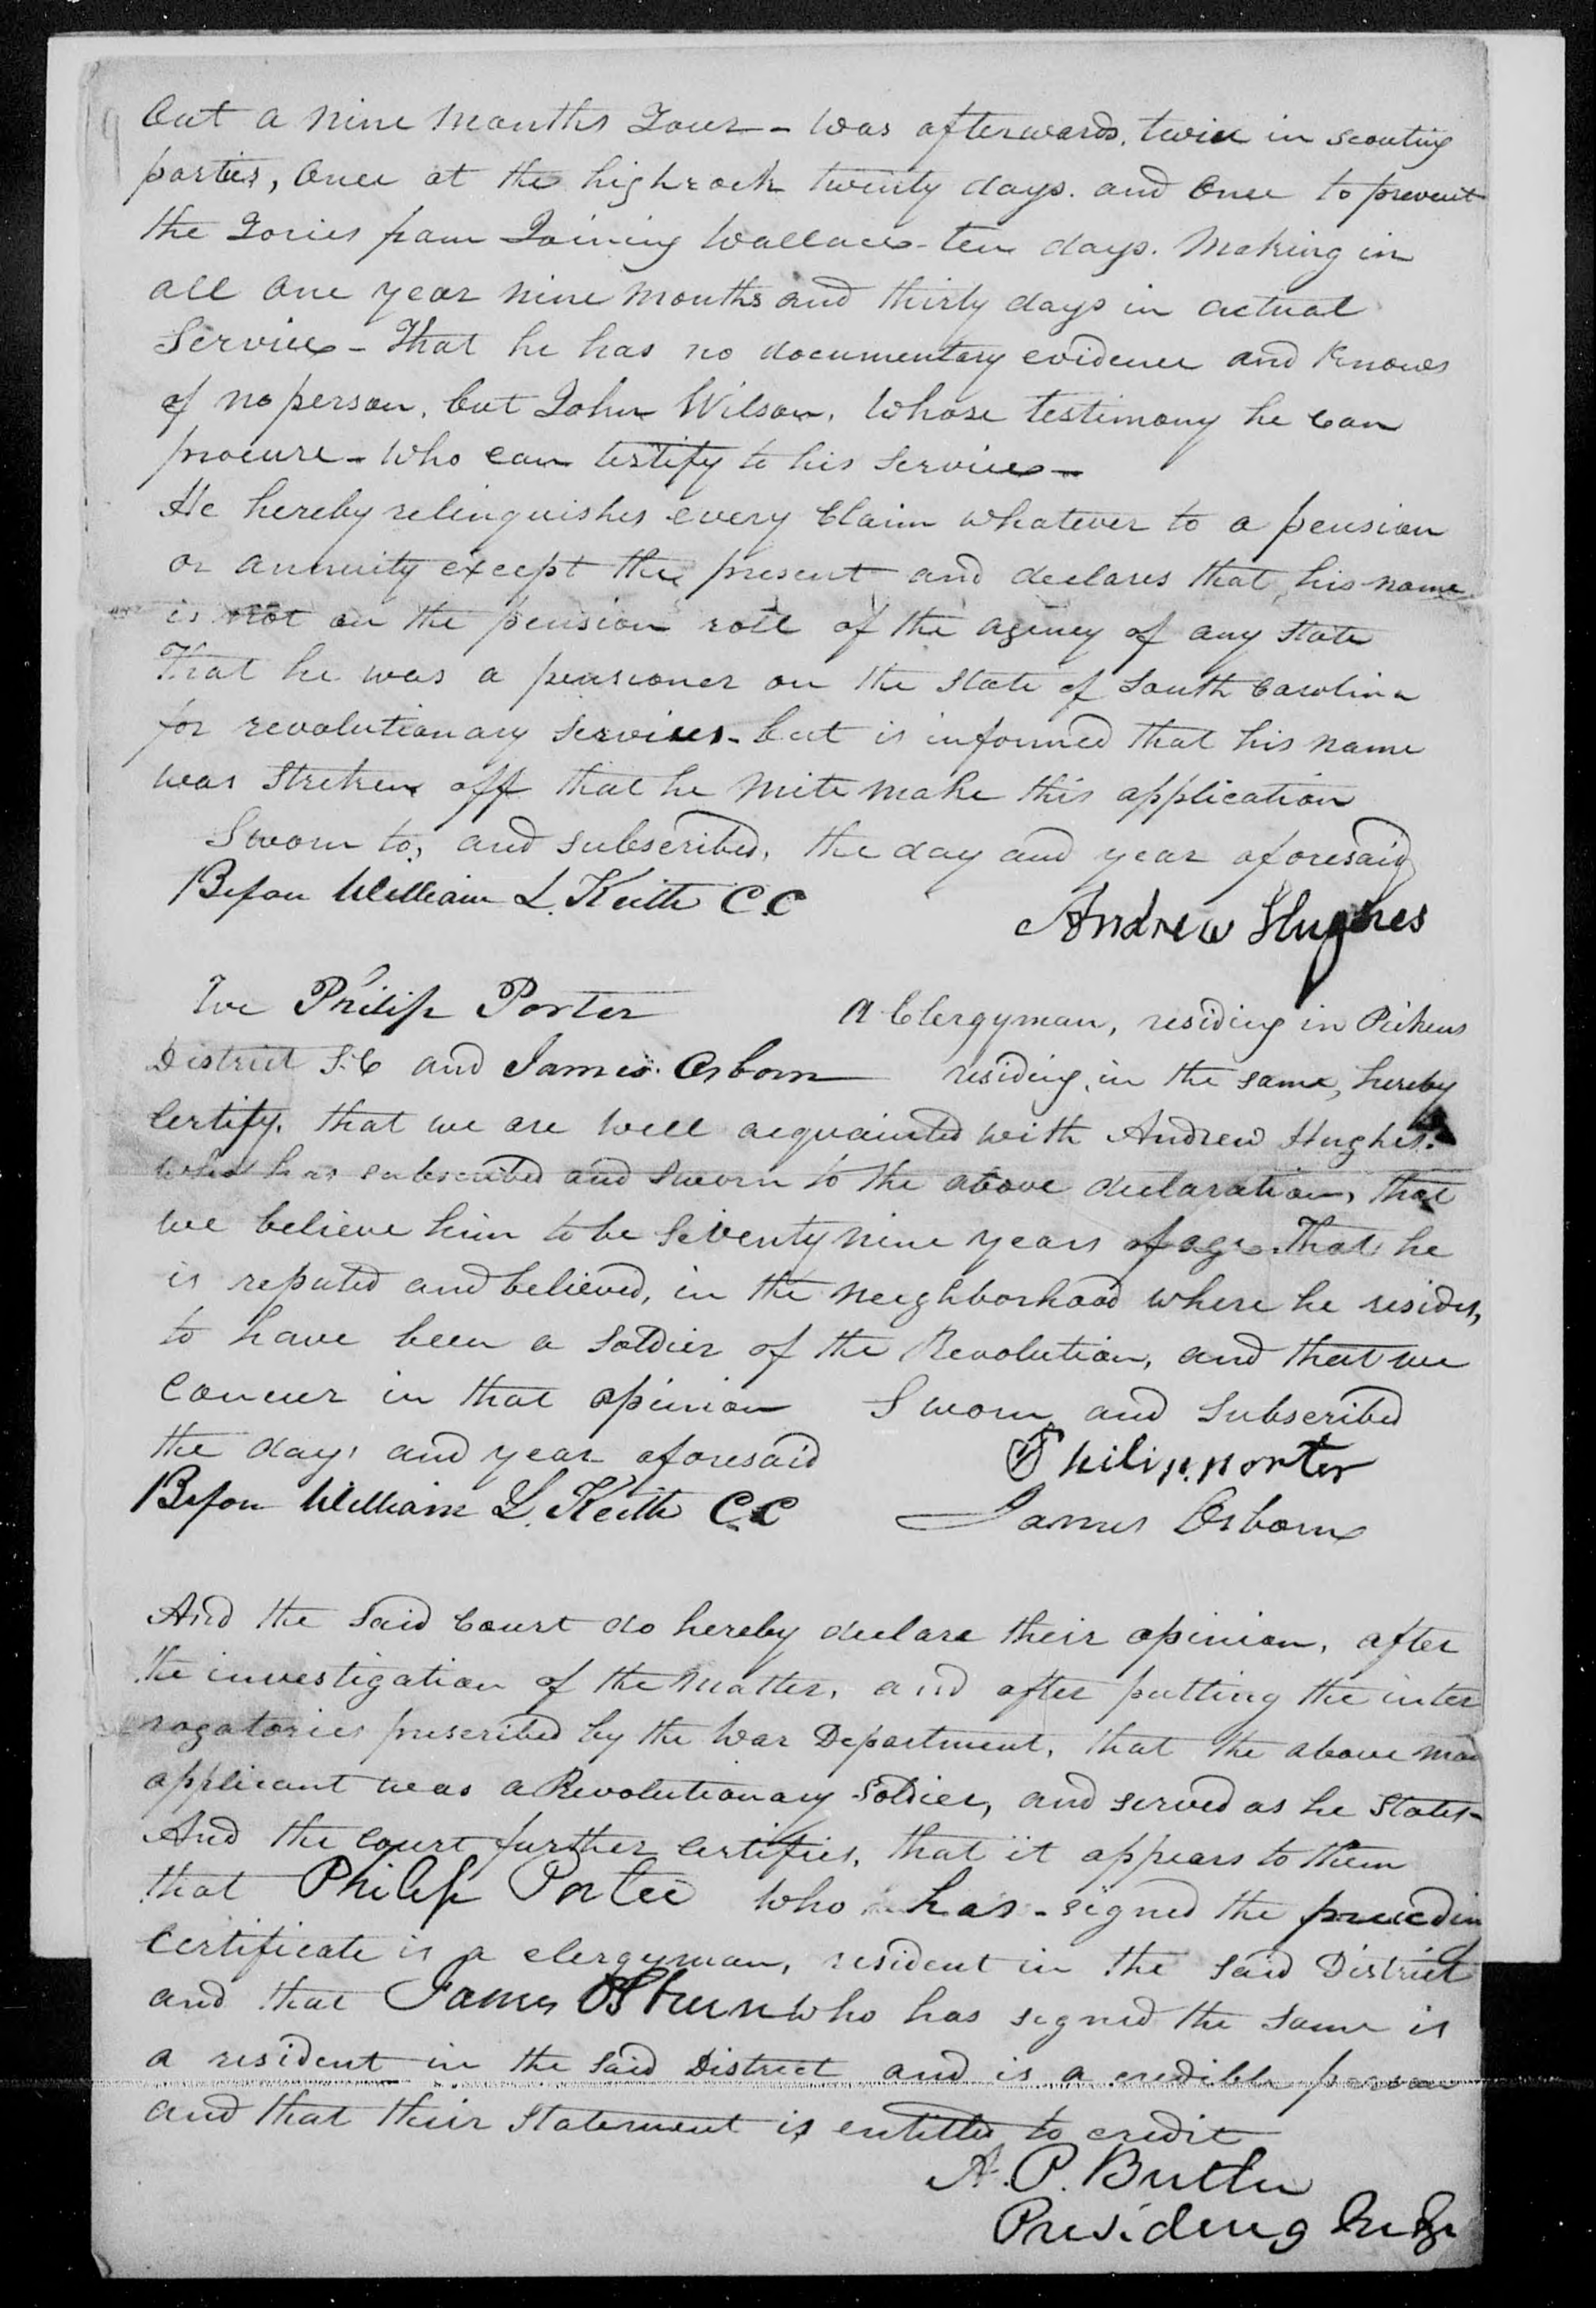but a nine months tour- was afterwards, twice in scouting parties, once at the highrock twenty days, and once to prevent the Tories from joining Wallace ten days. Making in all one year nine months and thirty days in actual Service - That he has no documentary evidence and knows of no person, but John Wilson, whose testimony he can procure - who can testify to his services- He hereby relinquishes every claim whatever to a pension or annuity except the present and declares that his name is not on the pension roll of the agency of any State That he was a pensioner on the State of South Carolina for revolutionary services, but is informed that his name was striken off that he mite make this application 
Sworn to and subscribed the day and year aforesaid Before William L. Keith  C.C  
Andrew Hughes
We Philip Porter A Clergyman, residing in Pickens District S.C and James Osborn residing in the same, hereby certify, that we are well acquainted with Andrew Hughes who has subscribed and sworn to the above declaration, that we believe him to be seventy nine years of age. That he is reputed and believed, in the neighborhood where he resides, to have been a soldier of the Revolution, and that we concur in that opinion.  Sworn and Subscribed the day, and year aforesaid before William L. Keith C.C.  Philip Porter James Osborn
And the said court do hereby declare their opinion, after the investigation of the matter, and after putting the interrogatories prescribed by the war Department, that the above man applicant was a Revolutionary soldier and served as he states 
And the court further certifies, that it appears to them that Philip Porter who has signed the preceding certificate is a clergyman, resident in the said District and that James Osborn who has signed the same is a resident in the said District and is a credible person and that their statement is entitled to credit   A. P. Butler Presiding Judge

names: James Osborn, William L Keith, Philip Porter, A P Butler, Andrew Hughes, John Wilson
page: 7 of 75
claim: widow's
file: W. 25805, Andrew Hughes, N.C.